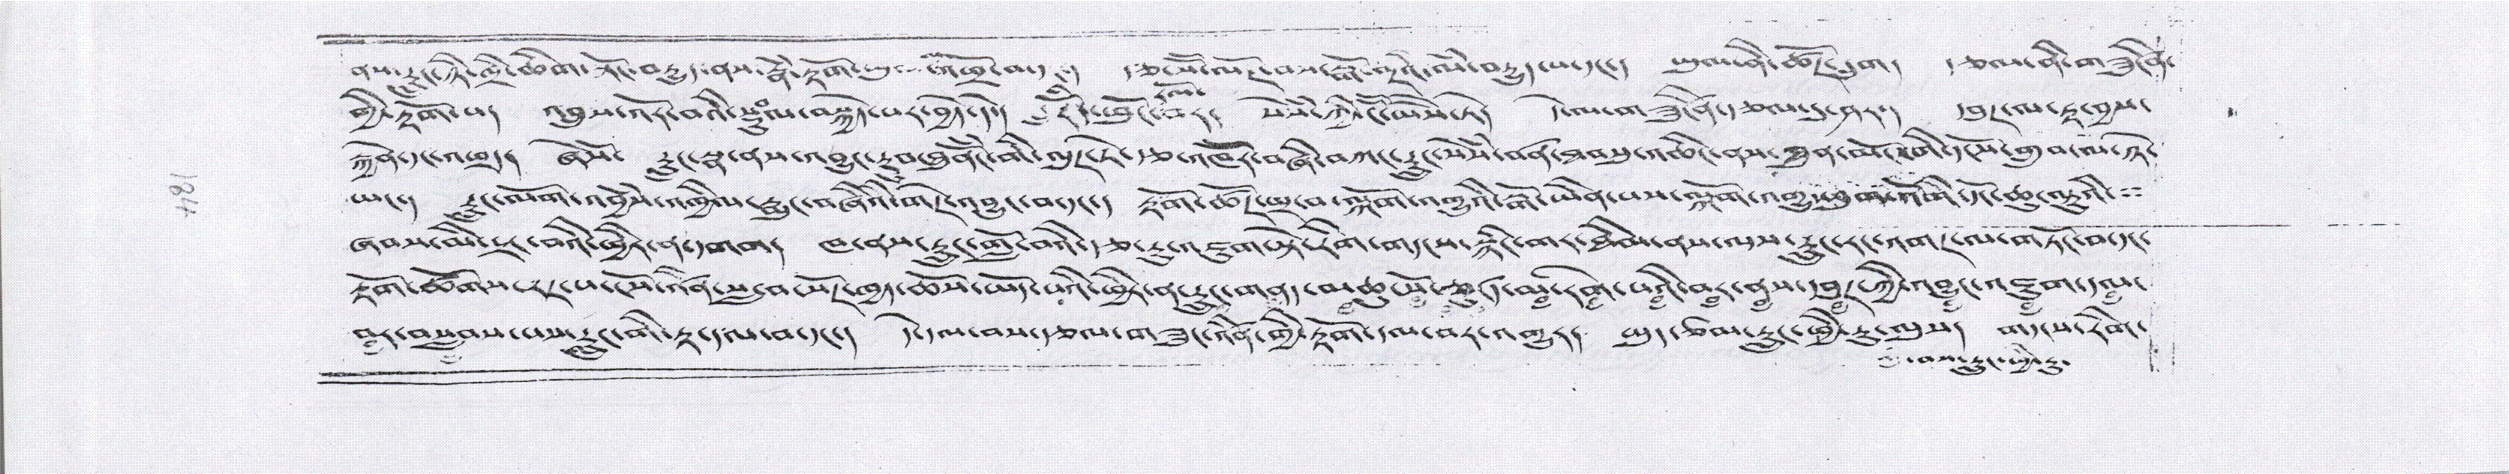ནས་རླུང་ཉི་ཁྲི་ཆིག་སྟོང་བརྒྱུད་ནས་རྣམ་རྟོག་ཡུལ་ལ་འཕྲོ་བ་དང་། རྩ་སོ་སོ་ལོགས་པས་སྒོ་ལྔའི་ལམ་བརྒྱུད་པ་དང་། ཡུལ་ནི་ཚོགས་དྲུག རྩལ་ནི་གཟུང་འཛིན་
གྱི་རྟོག་པ། འབྲས་བུ་འཁོར་བའི་སྡུག་བསྔལ་སྐྱེད་པར་བྱེད་དེ། དུར་ཁྲོད་ཀྱི་ཕུང་པོ་རོལ་པར། སེམས་ཀྱི་ངོ་བོ་ཡེ་ཤེས་ཏེ། དེ་ལ་གཟུང་འཛིན་རྩལ་དུ་ཤར། དབུགས་ལ་རྟ་བྱས་
རྐྱེན་དང་འཕྲད། ཞེས་སོ། རླུང་སྣ་ནས་འབྱུང་རྔུབས་ཐུན་མོང་གི་ལུགས་ཏེ་རྩ་འཁོར་བཞི་བཀང་རླུང་སེམས་བཙན་ཐབས་སུ་འཆིང་ནས་ཐུན་མོང་གི་དངོས་གྲུབ་ལ་ཉེ་
ཡང་། རླུང་ལོག་འབྱམས་འཁྱིལ་རྨུགས་བཞིའི་གེགས་འབྱུང་བ་དང་། རྟོགས་ཚོགས་ཕྲ་བ་ལྐོག་འགྱུའི་སྒོ་ཡིན་པས། ལྐོག་འགྱུ་ཕུག་འོག་གི་དོང་ཆུ་ལྟ་བུའི་
ཞབས་མི་དྲང་བའི་ཕྱིར་ན་དགག ཁ་ནས་རླུང་གློ་བའི་རྩ་རུ་འཇུག་སྟེ་རིག་གདངས་སྙིང་གར་འདས་རླུང་རང་འགག་མ་གཏོང་བ་དང་། 
རྟོག་ཚོགས་རང་ས་ངོས་འཛིན་སླ་བ་སོགས་ཁྱད་ཆོས་ཡོད་པའི་ཕྱིར་ན་རླུང་གནད་མཆུ་སོ་ཅུང་ཟད་མ་རེག་པའི་བར་ནས་དབུགས་ཀྱི་འབྱུང་འཇུག་དལ་
བར་བསླབ་པས་རླུང་གི་རྟ་དར་བ་དང་། དེ་དལ་བས་རྩལ་གཟུང་འཛིན་གྱི་རྟོག་པ་དལ་བར་འགྱུར། ཡུད་ཙམ་རླུང་ཕྱི་རུ་འདུ་བས་རླུང་ཕྱི་རུ་ལུས། གདངས་རིག་